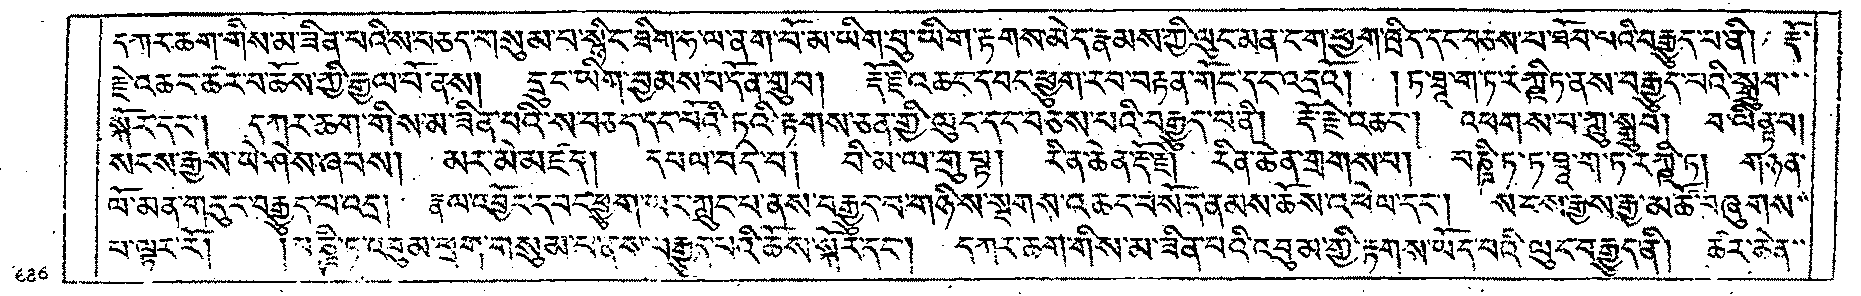དཀར་ཆག་གིས་མ་ཟིན་པའི་ས་བཅད་གསུམ་པ་སྙིང་ཐིག་ཧ་ལ་ནག་པོ་མ་ཡིག་བུ་ཡིག་རྟགས་མེད་རྣམས་ཀྱི་ལུང་མན་ངག་ཕྱག་ཁྲིད་དང་བཅས་པ་ཐོབ་པའི་བརྒྱུད་པ་ནི། རྡོ་
རྗེ་འཆང་ཚར་པ་ཆོས་ཀྱི་རྒྱལ་པོ་ནས། དྲུང་ཡིག་བྱམས་པ་དོན་གྲུབ། རྡོ་རྗེ་འཆང་དབང་ཕྱུག་རབ་བརྟན་གོང་དང་འདྲའོ། །ཏ་ཐཱ་ག་ཏ་རཀྵི་ཏ་ནས་བརྒྱུད་པའི་སྒྲུབ་
སྐོར་དང་། དཀར་ཆག་གིས་མ་ཟིན་པའི་ས་བཅད་དང་པོའི་ཏའི་རྟགས་ཅན་གྱི་ལུང་དང་བཅས་པའི་བརྒྱུད་པ་ནི། རྡོ་རྗེ་འཆང་། འཕགས་པ་ཀླུ་སྒྲུབ། བ་ལིནྟ་པ།
སངས་རྒྱས་ཡེ་ཤེས་ཞབས། མར་མེ་མཛད། དཔལ་བདེ་བ། བི་མ་ལ་གུཔྟ། རིན་ཆེན་རྡོ་རྗེ། རིན་ཆེན་གྲགས་པ། པཎྜི་ཏ་ཏ་ཐཱ་ག་ཏ་རཀྵི་ཏ། གཉན་
ལོ་མན་གདུང་བརྒྱུད་པ་འདྲ། རྣལ་འབྱོར་དབང་ཕྱུག་ཡར་ཀླུང་པ་ནས་བརྒྱུད་པ་གཉིས་སྔགས་འཆང་བསོད་ནམས་ཆོས་འཕེལ་དང་། སངས་རྒྱས་རྒྱ་མཚོ་བཞུགས་
པ་ལྟར་རོ། །པཎྜི་ཏ་འབུམ་ཕྲག་གསུམ་པ་ནས་བརྒྱུད་པའི་ཆོས་སྐོར་དང་། དཀར་ཆག་གིས་མ་ཟིན་པའི་འབུམ་གྱི་རྟགས་ཡོད་པའི་ལུང་བརྒྱུད་ནི། ཚར་ཆེན་